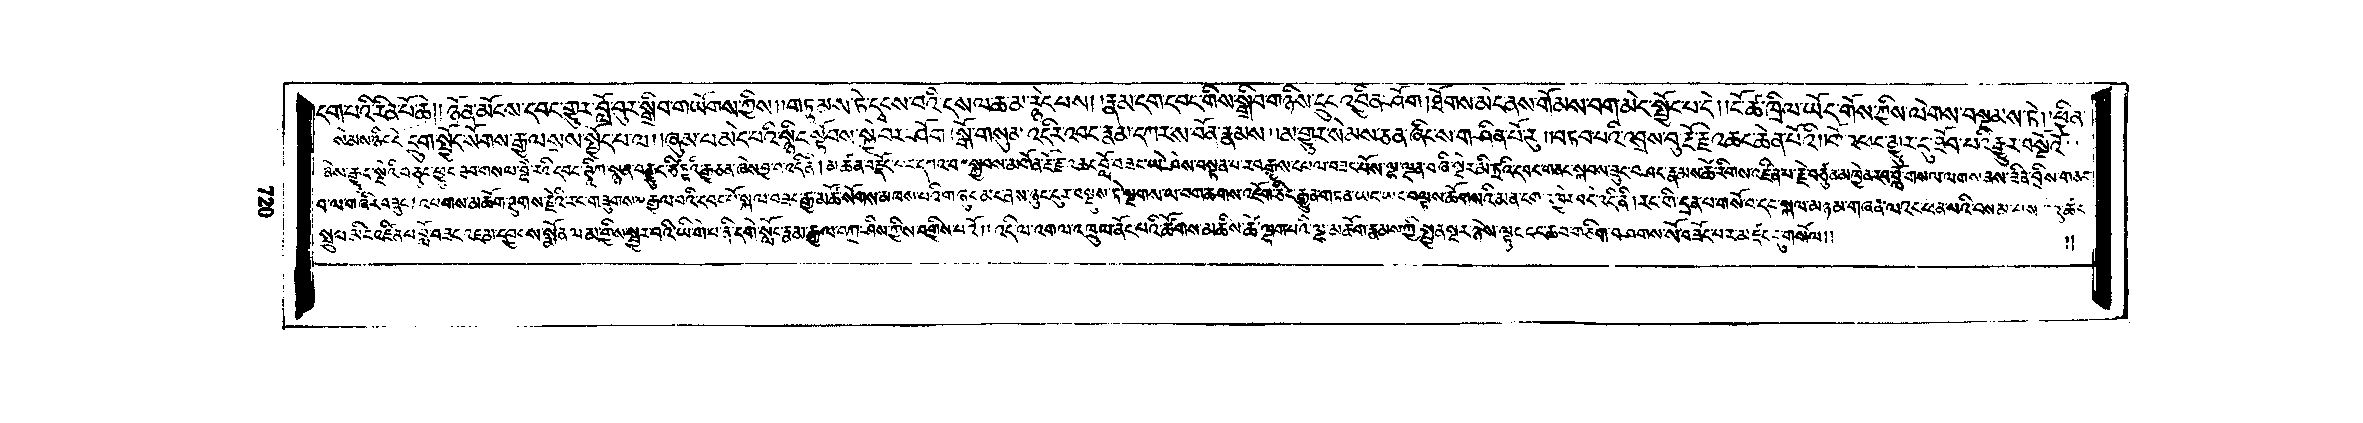དག་པའི་རིན་པོ་ཆེ། །ཉོན་མོངས་དབང་གྱུར་བློ་བུར་སྒྲིབ་གཡོགས་ཀྱིས། །གཏུམས་ཏེ་དྭངས་པའི་དས་ལ་ཆ་མ་རྙེད་པས། །རྣམ་དག་དབང་གིས་སྒྲིབ་གཉིས་དྲུང་འབྱིན་ཤོག །ཐོགས་མེད་ནས་གོམས་བག་མེད་སྤྱོད་པ་དེ། །ངོ་ཚ་ཁྲིལ་ཡོད་གོས་ཀྱིས་ལེགས་བསྡམས་ཏེ། ཕྱིན་
སེམས་ཉིད་དེ་དྲུག་སྤྱོད་སོགས་རྒྱལ་སྲས་སྤྱོད་པ་ལ། །ཞུམ་པ་མེད་པའི་སྙིང་སྟོབས་སྐྱེ་བར་ཤོག །སྒོ་གསུམ་འདིར་འབང་རྣམ་དཀར་ས་བོན་རྣམས། །མ་གྱུར་སེམས་ཅན་ཞིང་ས་གཤིན་པོ་རུ། །བཏབ་པའི་འབྲས་བུ་རྡོ་རྗེ་འཆང་ཆེན་པོའི། །གོ་འཕང་མྱུར་དུ་ཐོབ་པའི་རྒྱུར་བསྔོའོ། །
ཞེས་རྒྱུད་སྡེའི་བཅུང་ཕྱུང་ཟབ་གསལ་བྷཻ་རའི་དབང་ཊཱིཀ་སྙན་བརྒྱུད་ཙིཏྟའི་རྒྱ་ཅན་ཞེས་བྱ་བ་འདི་ནི། མཚན་བརྡོང་པར་དཀའ་བ་སྐྱབས་མགོན་རྡོ་རྗེ་འཆང་བློ་བཟང་ཡེ་ཤེས་བསྟན་པ་རབ་རྒྱས་དཔལ་བཟང་པོས་ལྷ་ལྡན་བཞི་སྡེར་མི་ཏྲའི་དབང་གནང་སྐབས་ཟུང་བཤད་རྣམས་ཚེ་རིགས་འཛིན་པ་རྗེ་བཙུན་མཁྱེན་རབ་བློ་གསལ་ལགས་ནས་ཟིན་བྲིས་གནང་
བ་ལ་གཞིར་བཟུང་། འཕགས་མཆོག་ཐུགས་རྗེའི་རང་གཟུགས་རྒྱལ་བའི་དབང་པོ་སྐལ་བཟང་རྒྱ་མཚོ་སོགས་མཁས་པའི་གཞུང་མང་ནས་ཉུང་ངུར་བསྡུས་ཏེ་སྔགས་ལ་བག་ཆགས་འཇོག་ཅིང་རྒྱུན་གཏན་ཡང་ཡང་བལྟས་ཆོག་སའི་མན་ངག་འཁྱེར་བདེ་འདི་ནི། རང་གི་དྲན་པ་གསོ་བ་དང་སྐལ་མཉམ་གཞན་ལའང་ཕན་པའི་བསམ་པས་ཀེའུ་ཚང་
སྤྲུལ་མིང་འཛིན་པ་བློ་བཟང་འཇམ་དབྱངས་སྨོན་ལམ་གྱིས་སྦྱར་བའི་ཡི་གེ་པ་ནི་དགེ་སློང་རྣམ་རྒྱལ་བཀྲ་ཤིས་ཀྱིས་བགྱིས་པའོ། །འདི་ལ་འགལ་འཁྲུལ་ནོང་པའི་ཚོགས་མཆིས་ཚེ་ལྷག་པའི་ལྷ་མཆོག་རྣམས་ཀྱི་སྤྱན་སྔར་ཉེས་ལྟུང་ངང་ཆབ་གཅིག་བཤགས་སོ་བཟོད་པར་མཛད་དུ་གསོལ།། །།